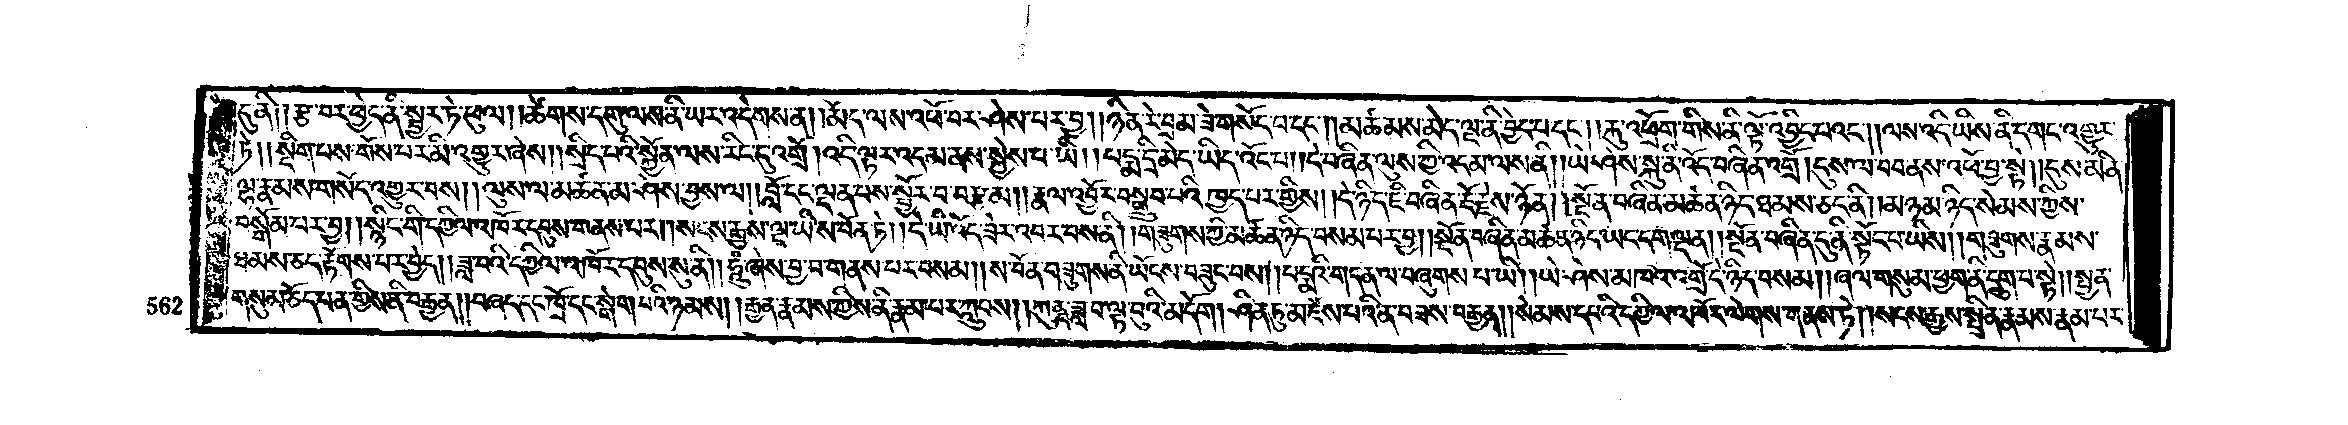དུ་ནི། །རྩ་བར་ཕྱེད་ནི་སྦྱར་ཏེ་ཕུལ། །ཚེགས་དགུ་ལས་ནི་ཡར་འདེགས་ན། །མོད་ལས་འཕོ་བར་ཤེས་པར་བྱ། །ཉིན་རེ་བྲམ་ཟེ་གསོད་པ་དང་། །མཚམས་མེད་ལྔ་ནི་བྱེད་པ་དང་། །རྐུ་འཕྲོག་གིས་ནི་ལྟོ་འབྱིང་པའང་། །ལས་འདི་ཡིས་ནི་དགང་འགྱུར་
ཏེ། །སྡིག་པས་གོས་པར་མི་འགྱུར་ཞེས། །སྲིད་པའི་སྐྱོན་ལས་རིང་དུ་འགྲོ། འདི་ལྟར་འདམ་ནས་སྐྱེས་པ་ཡི། །པདམ་དྲི་མེད་ཡིད་འོང་པ། །དེ་བཞིན་ལུས་ཀྱི་འདམ་ལས་ནི། །ཡེ་ཤེས་སྐུ་ནི་འོད་བཞིན་འགྲོ། དུས་ལ་བབ་ནས་འཕོ་བྱ་སྟེ། །དུས་མིན་
ལྷ་རྣམས་གསོད་འགྱུར་བས། །ལུས་ལ་མཚན་མ་ཤེས་བྱས་ལ། །བློ་དང་ལྡན་པས་སྦྱོར་བ་བརྩམ། །རྣལ་འབྱོར་བསྒྲུབ་པའི་ཁྱད་པར་གྱིས། །དེ་ཉིད་ཇི་བཞིན་རྡོ་རྗེས་ཉོན། །སྔོན་བཞིན་མཚན་ཉིད་ཐམས་ཅད་ནི། །མཉམ་ཉིད་སེམས་ཀྱིས་
བསྒོམ་པར་བྱ། །སྙིང་གི་དཀྱིལ་འཁོར་དབུས་གནས་པར། །སངས་རྒྱས་ལྔ་ཡི་ས་བོན་ཏེ། །དེ་ཡི་འོད་ཟེར་འབར་བས་ནི། །གཟུགས་ཀྱི་མཚན་ཉིད་བསམ་པར་བྱ། །སྔོན་བཞིན་མཚན་ཉིད་ཡང་དག་ལྡན། །སྔོན་བཞིན་དུ་ནི་སྟོང་པ་ཡིས། །གཟུགས་རྣམས་
ཐམས་ཅད་རྟོགས་པར་བྱེད། །ཟླ་བའི་དཀྱིལ་འཁོར་དབུས་སུ་ནི། །ཧཱུཾ་ཞེས་བྱ་བ་གནས་པར་བསམ། །ས་བོན་གཟུགས་ནི་ཡོངས་བཟུང་བས། །པདམའི་གདན་ལ་བཞུགས་པ་ཡི། །ཡེ་ཤེས་མཁའ་འགྲོ་དེ་ཉིད་བསམ། །ཞལ་གསུམ་ཕྱག་ནི་དྲུག་པ་སྟེ། །སྤྱན་
གསུམ་ཅོད་པན་གྱིས་ནི་བརྒྱན། །བཞེད་དང་ཁྲོ་དང་སྒེག་པའི་ཉམས། །རྒྱན་རྣམས་ཀྱིས་ནི་རྣམ་པར་ཀླུབས། །ཀུནྡ་ཟླ་བ་ལྟ་བུའི་མདོག །ཤིན་ཏུ་མཛེས་པའི་ན་བཟས་བརྒྱན། །སེམས་དཔའི་དཀྱིལ་འཁོར་ལེགས་གནས་ཏེ། །སངས་རྒྱས་སྤྲིན་རྣམས་རྣམ་པར་